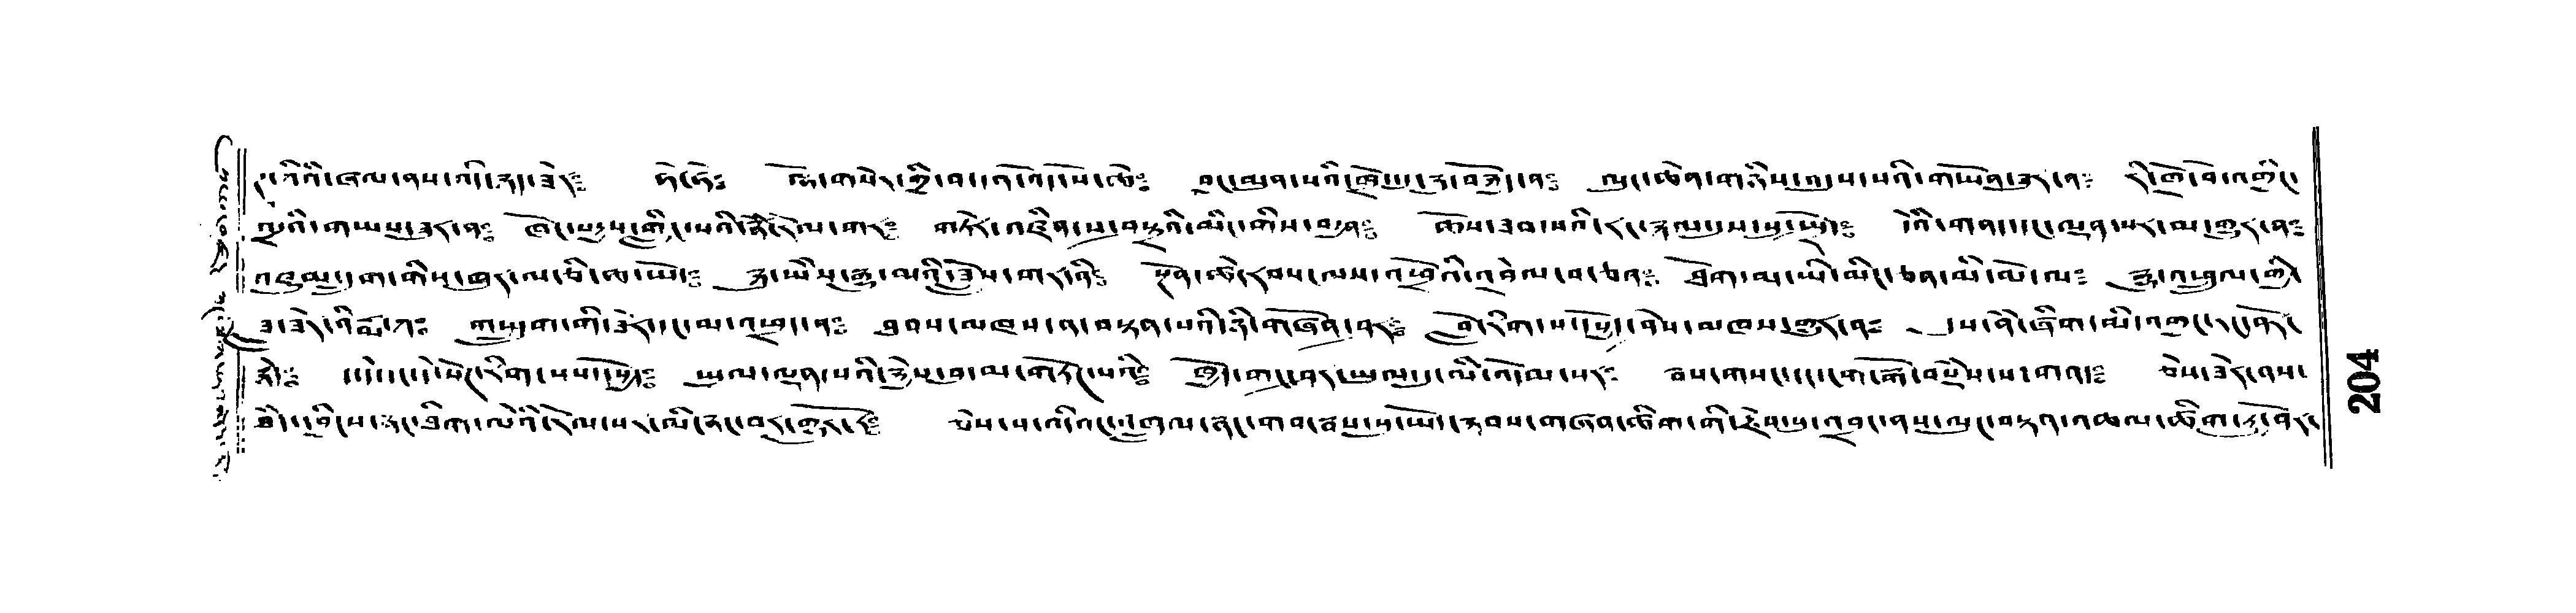ཌཱ་ཀིའི་ཞལ་ནས་འདི་སྐད་ཟེར༔ ཧེ་ཧེ༔ ལྷོ་གསེར་གྱི་བ་དན་འོད་པོ་ཆེ༔ བྱང་མུན་པའི་ཁྲོད་དུ་སྐུ་བསྐྱོད་ན༔ ལུང་ཆེན་གཉིས་འདུས་པའི་གཡོན་ཟུར་ན༔ རི་ཁྲོ་བོ་འགྱིང་
འདྲའི་གཡས་ཟུར་ན༔ ཁོང་སངས་རྒྱས་གླིང་པའི་རྣམ་རོལ་གར༔ གཏེར་འཛིན་པ་ཤསྟྲའི་མིང་གིས་བརྒྱན༔ ཆོས་ཟབ་པའི་རང་སྐལ་དུས་སུ་སྤྲོད༔ དེའི་གནད་དང་ལྡན་པར་མ་གྱུར་ན༔ 
འཛུམ་དྲུག་གིས་ཁུར་ལ་ཅི་ཆ་ཡོད༔ སྐུ་ཡེ་ཤེས་སྒྱུ་མའི་ཟློས་གར་ནི༔ སྔོན་ཚེ་རབས་ལས་འཕྲོའི་འབྲེལ་བ་ཅན༔ ཐོག་མ་ཡི་མིང་ཅན་མི་མོ་ལ༔ སྒྱུ་འཕྲུལ་གྱི་ཟླ་ཟེར་ནིརྨཀཿ གཡུ་འབྲུག་གི་
ཟེར་དང་མ་འཕྲད་ན༔ ཐབས་མཁས་ན་བསྟན་པའི་ཉི་གཞོན་ཤར༔ བློ་རིག་པ་དཔྱོད་ཤེས་མཁས་གྱུར་ན༔ དུས་ནམ་ཞིག་མི་འགྱང་རང་ནོར་
རྙེད༔ ད་དེ་དང་དེ་སོགས་རིག་པས་དཔྱོད༔ ཡུལ་ལྡན་པའི་སྐྱེས་བུ་མ་གཏོགས་པའི༔ ཁྱོད་གང་ཤར་ཡུལ་དུ་མི་འདོམས་པར༔ སྦས་གསང་དང་ངག་སྒོ་བསྡམ་པ་གནད༔ ཅེས་ཟེར་ནས་
ཐམས་ཅད་དབྱིངས་སྣང་ཐིག་ལེའི་རོལ་པར་མི་སྣང་བར་གྱུར་རོ༔ ཅེས་པ་འདིའང་འཁྲུལ་སྣང་གབ་སྦས་སུ་ཡོད་སྐབས་གཞན་ཚིག་གི་རྗེས་སུ་འབྲངས་ནས་ལུང་བསྟན་འཆལ་ཚིག་ཏུ་ཤོར་